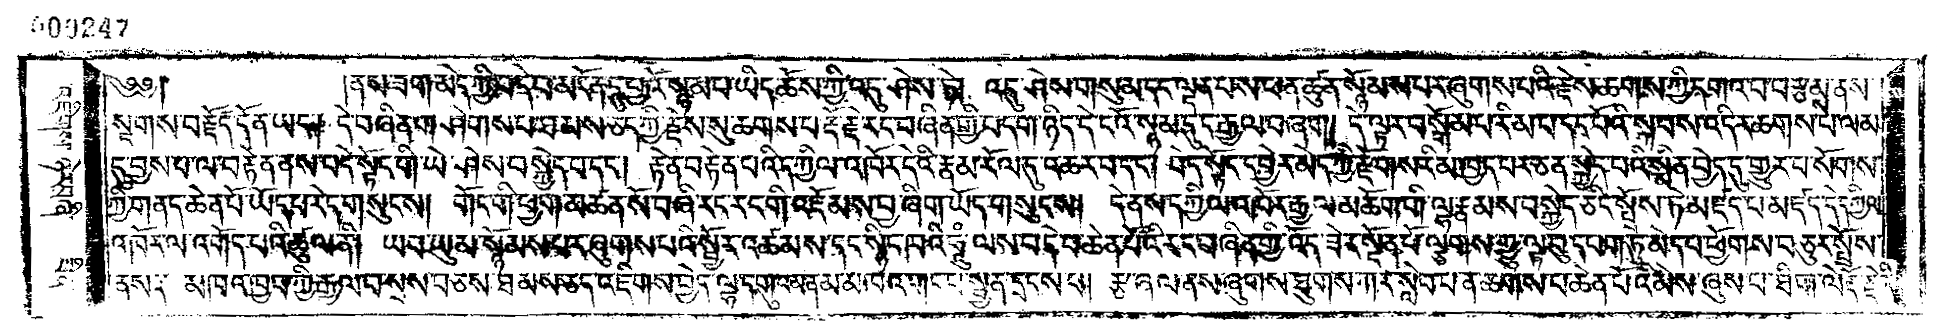༄༅། །ནས་ཟག་མེད་ཀྱི་བདེ་བ་མངོན་དུ་བྱའོ་སྙམ་པ་ཡིད་ཆོས་ཀྱི་འདུ་ཤེས་ཏེ། འདུ་ཤེས་གསུམ་དང་ལྡན་པས་ཕན་ཚུན་སྙོམས་པར་ཞུགས་པའི་རྗེས་ཆགས་ཀྱི་དགའ་བ་བརྩམས་ནས་
སྔགས་བརྗོད་དོན་ཡང་། དེ་བཞིན་གཤེགས་པ་ཐམས་ཅད་ཀྱི་རྗེས་སུ་ཆགས་པ་རྡོ་རྗེ་རང་བཞིན་གྱི་བདག་ཉིད་དེ་ངའོ་སྙམ་དུ་ང་རྒྱལ་བཞག །དེ་ལྟར་བསྒོམ་པ་རིམ་པ་དང་པོའི་སྐབས་འདིར་ཆགས་པ་ལམ་
དུ་བྱས་པ་ལ་བརྟེན་ནས་བདེ་སྟོང་གི་ཡེ་ཤེས་བསྐྱེད་པ་དང་། རྟེན་བརྟེན་པའི་དཀྱིལ་འཁོར་དེའི་རྣམ་རོལ་དུ་འཆར་བ་དང་། བདེ་སྟོང་དབྱེར་མེད་ཀྱི་རྫོགས་རིམ་ཁྱད་པར་ཅན་སྐྱེད་པའི་སྨིན་བྱེད་དུ་གྱུར་པ་སོགས་
ཀྱི་གནད་ཆེན་པོ་ཡོད་པ་རེད་གསུངས། གོང་གི་ཕྱག་མཚན་སོ་བཞི་རང་རང་གི་འཇོམས་བྱ་ཞིག་ཡོད་གསུངས། དེ་ནས་དཀྱིལ་འཁོར་རྒྱལ་མཆོག་གི་ལྷ་རྣམས་བསྐྱེད་ཅིང་སྤྲོས་ཏེ་མཛད་པ་མཛད་དེ་དཀྱིལ་
འཁོར་ལ་འགོད་པའི་ཚུལ་ནི། ཡབ་ཡུམ་སྙོམས་པར་ཞུགས་པའི་སྦྱོར་འཚམས་དང་སྙིང་ཁའི་ཧཱུཾ་ལས་བདེ་བ་ཆེན་པོའི་རང་བཞིན་གྱི་འོད་ཟེར་སྔོན་པོ་ལྕགས་ཀྱུ་ལྟ་བུ་དཔག་ཏུ་མེད་པ་ཕྱོགས་བཅུར་སྤྲོས་
ནས༑ མཁའ་ཁྱབ་ཀྱི་རྒྱལ་བ་སྲས་བཅས་ཐམས་ཅད་འཇིགས་བྱེད་ལྷ་དགུའམ་ནམ་མཁའ་གང་པ་སྤྱན་དྲངས་པ། རྩ་ཞལ་ནས་ཞུགས་ཐུགས་ཀར་སླེབ་པ་ན་ཆགས་པ་ཆེན་པོའི་མེས་ཞུས་པ་ཐིག་ལེ་རྡོ་རྗེའི་